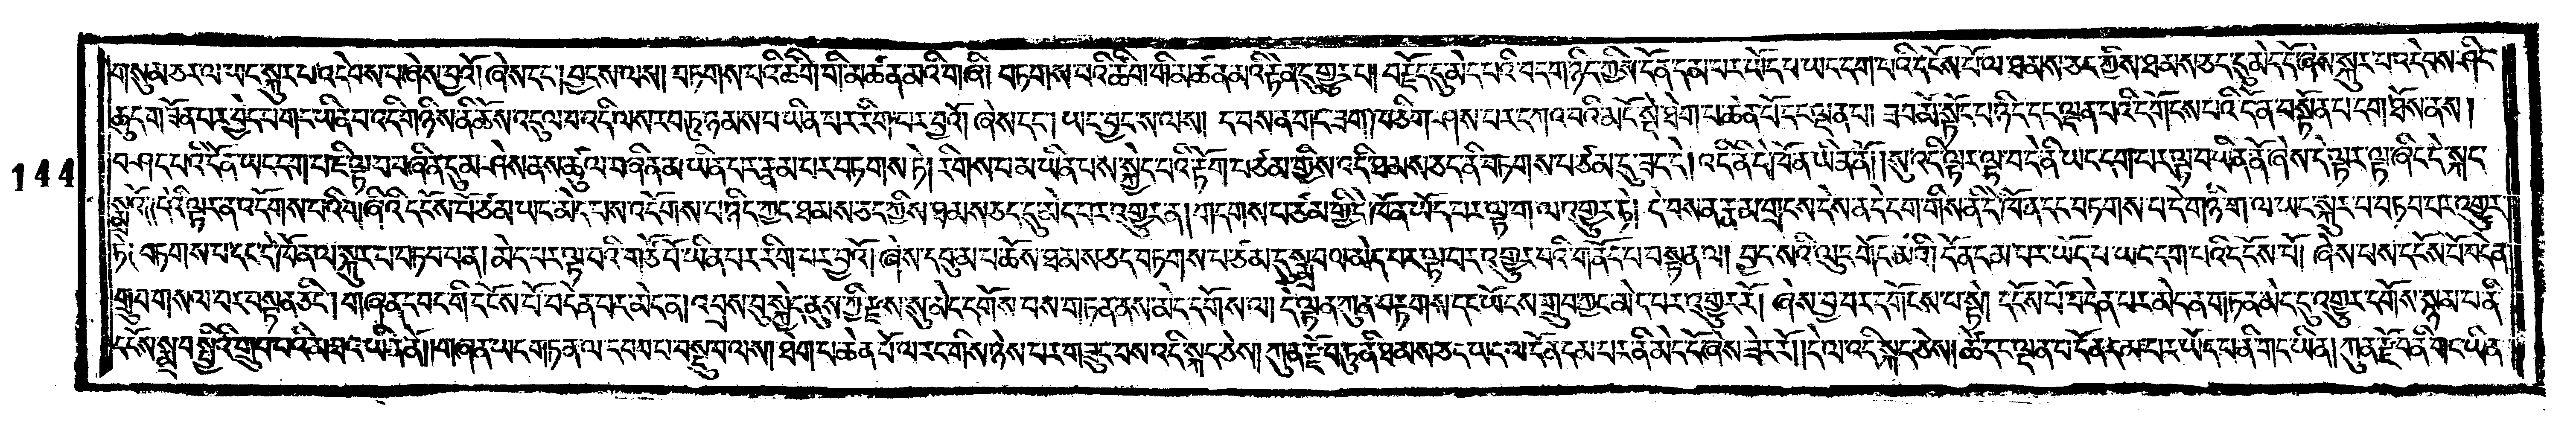གསུམ་ཅར་ལ་ཡང་སྐུར་པ་འདེབས་པ་ཞེས་བྱའོ། ཞེས་དང་། བྱང་ས་ལས། བཏགས་པའི་ཚིག་གི་མཚན་མའི་གཞི། བཏགས་པའི་ཚིག་གི་མཚན་མའི་རྟེན་དུ་གྱུར་པ། བརྗོད་དུ་མེད་པའི་བདག་ཉིད་ཀྱིས་དོན་དམ་པར་ཡོད་པ་ཡང་དག་པའི་དངོས་པོ་ལ་ཐམས་ཅད་ཀྱིས་ཐམས་ཅད་དུ་མེད་དོ་ཞེས་སྐུར་བ་འདེབས་ཤིང་
ཆུད་གཟོན་པར་བྱེད་པ་གང་ཡིན་པ་འདི་གཉིས་ནི་ཆོས་འདུལ་བ་འདི་ལས་རབ་ཏུ་ཉམས་པ་ཡིན་པར་རིག་བར་བྱའོ། ཞེས་དང་། ཡང་བྱང་ས་ལས། དབས་?་ན་གང་ཟག་ཁ་ཅིག་ཤས་པར་དཀའ་བའི་མདོ་སྡེ་ཐེག་པ་ཆེན་པོ་དང་ལྡན་པ། ཟབ་མོ་སྟོང་པ་ཉིད་དང་ལྡན་པའི་དགོངས་པའི་དོན་བསྟེན་པ་དག་ཐོས་ནས།
བཤད་པའི་དོན་ཡང་དག་པ་ཇི་ལྟ་བ་བཞིན་དུ་མ་ཤེས་ནས་ཚུལ་བཞིན་མ་ཡིན་པར་རྣམ་པར་བཏགས་ཏེ། རིགས་པ་མ་ཡིན་པས་སྐྱེད་པའི་རྟོག་པ་ཙམ་གྱིས་འདི་ཐམས་ཅད་ནི་བཏགས་པ་ཙམ་དུ་ཟད་དེ། འདི་ནི་དེ་ཁོ་ན་ཡིན་ནོ། །སུ་འདི་ལྟར་ལྟ་བ་དེ་ནི་ཡང་དག་པར་ལྟ་བ་ཡིན་ནོ་ཞེས་དེ་ལྟར་ལྟ་ཞིང་དེ་སྐད་
སྨྲའོ༑ ༑དེའི་ལྟར་ན་འདོགས་པའི་གཞིའི་དངོས་པོ་ཙམ་ཡང་མེད་པས་འདོགས་པ་ཉིད་ཀྱང་ཐམས་ཅད་ཀྱིས་ཐམས་ཅད་དུ་མེད་བར་འགྱུར་ན། གདགས་པ་ཙམ་གྱི་དེ་ཁོ་ན་ཡོད་པར་ལྟ་ག་ལ་འགྱུར་ཏེ། དེ་བས་ན་?་རྣམ་གྲངས་དེས་ན་དེ་དག་གིས་ནི་དེ་ཁོ་ན་དང་བཏགས་པ་དེ་གཉི་ག་ལ་ཡང་སྐུར་བ་བཏབ་པར་འགྱུར་
ཏེ༑ བཏགས་པ་དང་ངོ་ཁོ་ན་ལ་སྐུར་པ་བཏབ་པ་ན། མེད་པར་ལྟ་བའི་གཙོ་བོ་ཡིན་པར་རིག་པར་བྱའོ། ཞེས་དབུ་མ་པ་ཆོས་ཐམས་ཅད་བཏགས་པ་ཙམ་དུ་སྨྲ་བ་ལ་མེད་པར་ལྟ་བར་འགྱུར་བའི་གནོད་པ་བསྟན་ལ། བྱང་སའི་ལུང་གོང་མའི། དོན་དམ་པར་ཡོད་པ་ཡང་དག་པའི་དངོས་པོ། ཞེས་པས་དངོས་པོ་བདེན་
གྲུབ་གསལ་བར་བསྟན་ཅིང་། གཞན་དབང་གི་དངོས་པོ་བདེན་པར་མེད་ན། འབྲས་བུ་སྐྱེད་ནུས་ཀྱི་རྫས་སུ་མེད་དགོས་བས་གཏན་ནས་མེད་དགོས་ལ། དེ་ལྟན་ཀུན་བརྟགས་དང་ཡོངས་གྲུབ་ཀྱང་མེད་པར་འགྱུར་རོ། ཞེས་བྱ་བར་དགོངས་བ་སྟེ། དངོས་པོ་བདེན་པར་མེད་ན་གཏན་མེད་དུ་འགྱུར་དགོས་སྙམ་པ་ནི་
དངོས་སྨྲ་བ་སྤྱིའི་གྲུབ་བའི་མཐའ་ཡིན་ནོ། །གཞན་ཡང་གཏན་ལ་དབབ་པ་བསྡུ་བ་ལས། ཐེག་པ་ཆེན་པོ་ལ་རང་གིས་ཉེས་པར་གཟུང་བས་འདི་སྐད་ཅེས། ཀུན་རྫོབ་ཏུ་ནི་ཐམས་ཅད་ཡང་ལ་དོན་དམ་པར་ནི་མེད་དོ་ཞེས་ཟེར་རོ། །དེ་ལ་འདི་སྐད་ཅེས། ཚེ་དང་ལྡན་པ་དོན་རམ་པར་ཡོད་པ་ནི་གང་ཡིན། ཀུན་རྫོབ་ནི་གང་ཡིན་